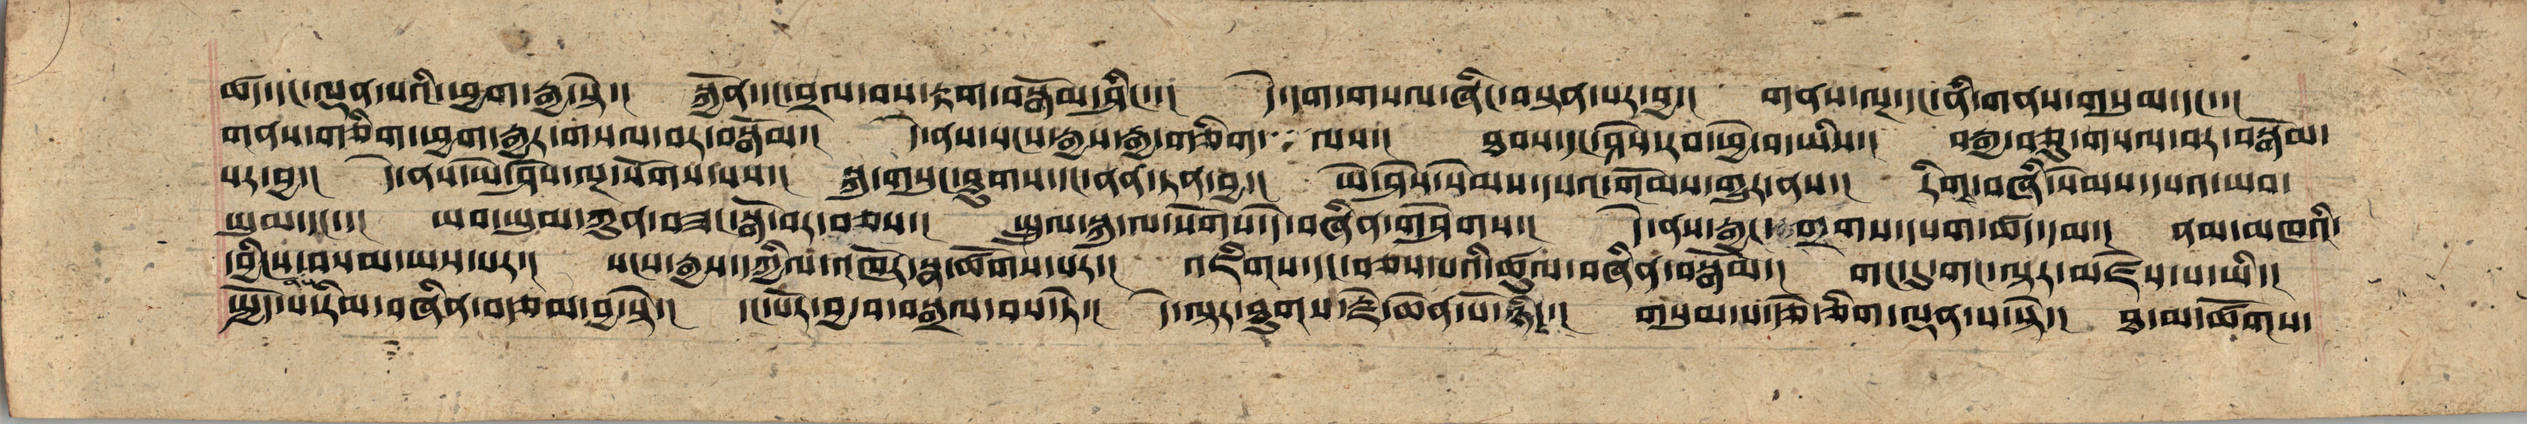ཚད་དང་ལྡན་པའི་ཕྱག་རྒྱ་སྟེ་། སྐྱོན་དང་བྲལ་བས་རྟག་བསྒོམ་ཤིང་་། དེ་དག་གསལ་ཞིང་བསྟན་པར་བྱ་། གནས་ལྔ་དང་ནི་གནས་གསུམ་དང་་།
གནས་གཅིག་ཕྱག་རྒྱར་གསལ་བར་བསྒོམ་། དེ་ནས་སངས་རྒྱས་རྒྱ་གཅིག་་་ལས་། ཐབས་དང་ཤེས་རབ་ཕྱེ་བ་ཡིས་། བརྒྱ་བཅུ་གསལ་བར་བསྒོམ་
པར་བྱ་། དེ་ནས་ཡེ་ཤེས་ལྔ་སོགས་པས་། སྐུ་གསུང་ཐུགས་དང་ནན་ཏན་བྱ་། ཡེ་ཤེས་སེམས་དཔའ་གོམས་གྱུར་ནས་། རིགས་བཞི་སེམས་དཔའ་ཡབ་
ཡུམ་དང་་། ཡབ་ཡུམ་ཀུན་བཟང་སྒོ་བར་བཅས་། སྤྲུལ་སྐུ་ལ་སོགས་དེ་བཞིན་གཤེགས་། དེ་ནས་རྒྱང་གྲགས་དཔག་ཚད་དམ་། ནམ་མཁའི་
དབྱིངས་ནས་བསམ་ཡས་པར་། སངས་རྒྱས་དཀྱིལ་འཁོར་སྣ་ཚོགས་པར་། འཇིགས་དང་བཅས་པའི་ཚུལ་བཞིན་བསྒོམ་། གང་དུ་གང་ལྟར་མཛེས་པ་ཡི་།
སྤྱོད་པ་རིམ་བཞིན་བརྩམ་བྱ་སྟེ་། དང་པོར་བྱ་བ་བསྒྲལ་བས་ཏེ་། དེ་ལྟར་ཐུགས་རྗེ་ཆེན་པོ་ཉིད་། གསུམ་པ་རྩེ་ཅིག་ལྡན་པ་སྟེ་། ཐ་མ་ཚོགས་